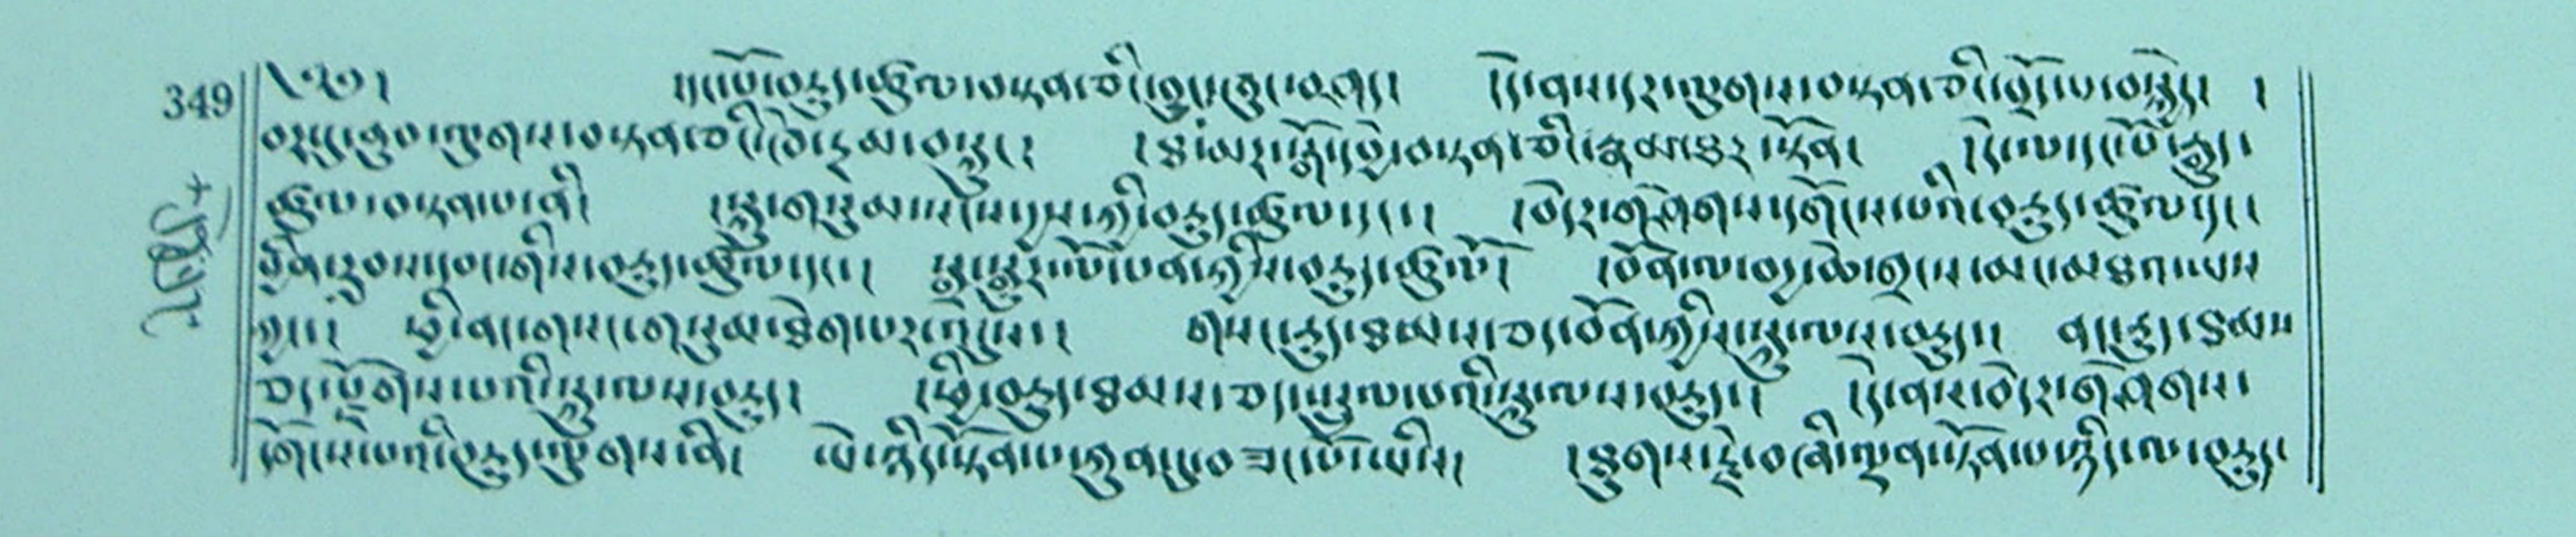༄༅། །དང་པོ་བརྒྱུད་ཚུལ་བསྟན་ཅིང་བྱུང་ཁུངས་བསྟན། དེ་ནས་དར་ལུགས་བསྟན་ཅིང་བྲོད་པ་བསྐྱེད། 
བར་དུ་ནུབ་ལུགས་བསྟན་ཅིང་ཁེ་རྔམ་བསྐྱུང་། ཐ་མར་སྒོ་དབྱེ་བསྟན་ཅིང་རྣམ་ཐར་སྟོན། དེ་ལ་དང་པོ་རྒྱུད་
ཚུལ་བསྟན་པ་ནི། སྐུ་གསུམ་སངས་རྒྱས་ཀྱི་བརྒྱུད་ཚུལ་དང་། བདེར་གཤེགས་དགོངས་པའི་བརྒྱུད་ཚུལ་དང་། 
བྱིན་རླབས་དབང་གིས་བརྒྱུད་ཚུལ་དང་། སྒྲ་བསྒྱུར་ལོ་པན་གྱིས་བརྒྱུད་ཚུལ་ལོ། །བོན་ལ་རྒྱ་ཆེ་གྲངས་མང་མཐའ་ཡས་
ཀྱང་། ཕྱི་ནང་གསང་གསུམ་ཐེག་པར་འདུས། གསང་རྒྱུད་ཐམས་ཅད་བོན་གྱི་སྐུ་ལས་བརྒྱུད། ནང་རྒྱུད་ཐམས་
ཅད་རྫོགས་པའི་སྐུ་ལས་བརྒྱུད། ཕྱི་རྒྱུད་ཐམས་ཅད་སྤྲུལ་བའི་སྐུ་ལས་བརྒྱུད། དེ་ནས་བདེར་གཤེགས་
དགོངས་པའི་བརྒྱུད་ལུགས་ནི། ཡེ་ཉིད་སྟོན་པ་ཀུན་ཏུ་བཟང་པོ་ཡིས། ཐུགས་རྗེ་བཞི་ལྡན་སྟོན་པ་ཉིད་ལ་བརྒྱུད།